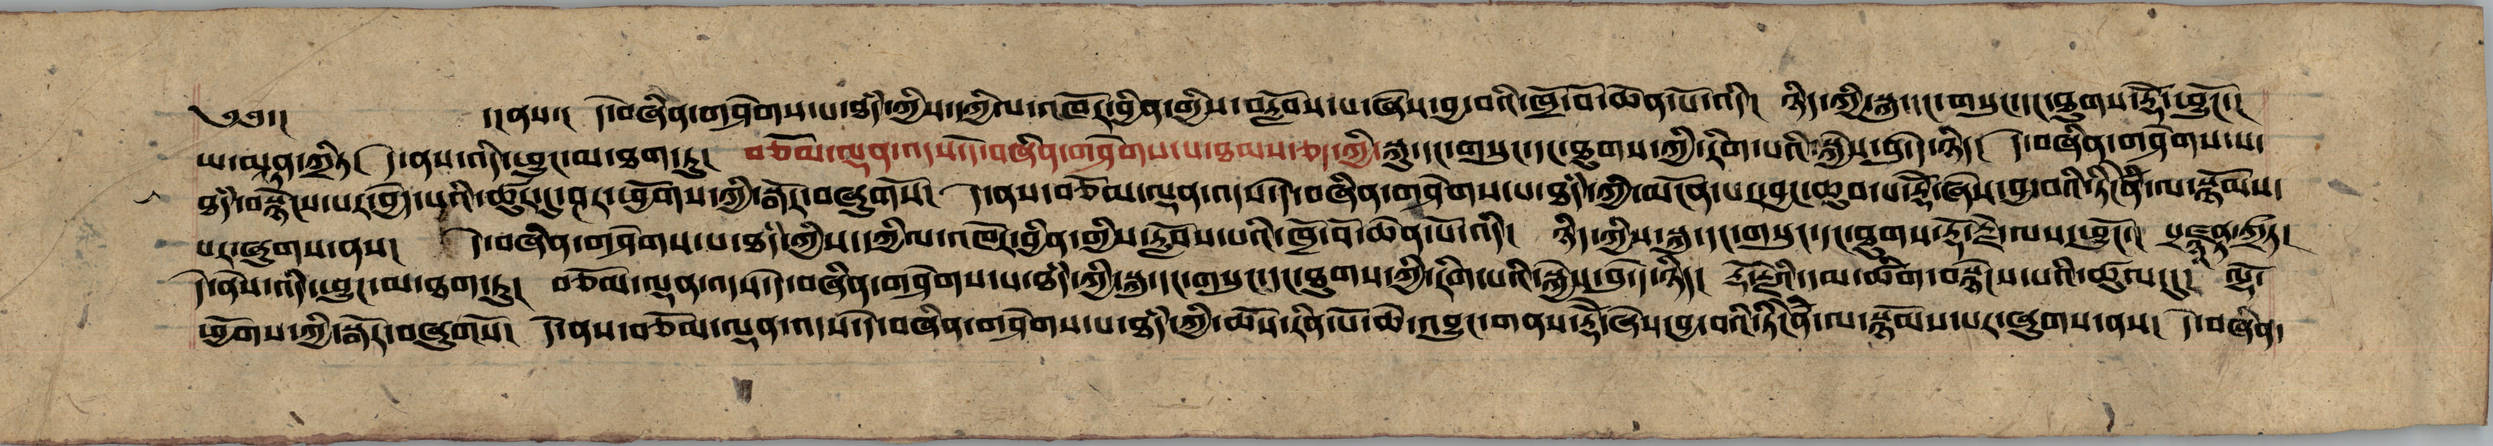༄༅་། ་།ནས་། དེ་བཞིན་གཤེགས་པ་ཐཾད་ཀྱིས་དཀྱིལ་འཁོར་བྱིན་གྱིས་བརློབས་པ་ཞེས་བྱ་བའི་ཁྲོ་བོ་ཆེན་པོ་འདི། ཉིད་ཀྱི་སྐུ་དང་གསུང་དང་ཐུགས་རྡོེ་ཕྱུངོ་།
ཡ་མཱནྟ་ཀྲིཏ། དེ་ནས་འདི་ཕྱུང་མ་ཐག་ཏུ། བཅོམ་ལྡན་འདས་དེ་བཞིན་བཤེགས་པ་ཐམས་ཅད་ཀྱི་སྐུ་དང་གསུང་དང་ཐུགས་ཀྱི་རིག་པའི་སྐྱེས་བུ་དེ་ཉིད། དེ་བཞིན་གཤེགས་པ་
ཐཾད་བསྙེངས་པར་བྱེད་པའི་ཚུར་དུ་ཤར་ཕྱོགས་ཀྱི་སྒོར་བཞུགསོ། དེ་ནས་བཅོམ་ལྡན་འདས་དེ་བཞིན་གཤེགས་པ་ཐཾད་ཀྱི་མངོན་པར་བྱང་ཆུབ་པ་རྡོེ་ཞེས་བྱ་བའི་ཏིངེཛིན་ལ་སྙོམས་
པར་ཞུགས་ནས། དེ་བཞིན་གཤེགས་པ་ཐཾད་ཀྱིས་དཀྱིལ་འཁོར་བྱིན་གྱིས་རློབས་པའི་ཁྲོ་བོ་ཆེན་པོ་འདི། ཉིད་ཀྱིས་སྐུ་དང་གསུང་དང་ཐུགས་རྡོ་རྗེ་ལས་ཕྱུངོ་། པྲཛྙནྟ་ཀྲྀཏ།
དེ་ནས་འདི་ཕྱུང་མ་ཐག་ཏུ། བཅོམ་ལྡན་འདས་དེ་བཞིན་གཤེགས་པ་ཐཾད་ཀྱི་སྐུ་དང་གསུང་དང་ཐུགས་ཀྱི་རིག་པའི་སྐྱེས་བུ་དེ་ཉིད། རྡོ་རྗེའི་དམ་ཚིག་བསྙེངས་པའི་ཚུལ་དུ་ ལྷོ་
ཕྱོགས་ཀྱི་སྒོར་བཞུགསོ། དེ་ནས་བཅོམ་ལྡན་འདས་དེ་བཞིན་གཤེགས་པ་ཐཾད་ཀྱི་ཆོས་རིན་པ་ཆེ་འབྱུང་གནས་རྡོེ་ཞེས་བྱ་བའི་ཏིངེཛིན་ལ་སྙོམས་པར་ཞུགས་ནས་། དེ་བཞིན་